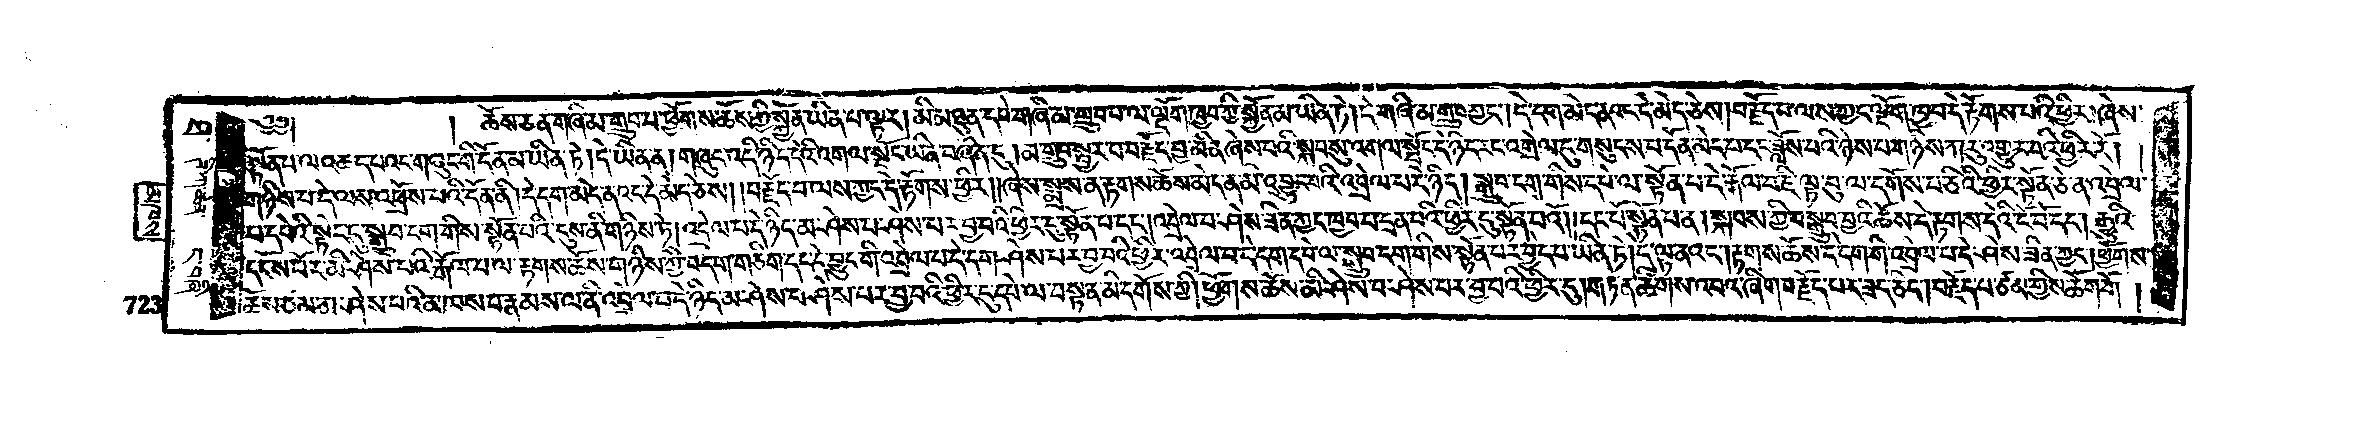༄༅། །ཆོས་ཅན་གཞི་མ་གྲུབ་པ་ཕྱོགས་ཆོས་ཀྱི་སྐྱོན་ཡིན་པ་ལྟར། མི་མཐུན་དཔེ་གཞི་མ་གྲུབ་པ་ལ་ལྡོག་ཁྱབ་ཀྱི་སྐྱོན་མ་ཡིན་ཏེ། དེ་གཞི་མ་གྲུབ་ཀྱང་། དེ་དག་མེད་ནའང་དེ་མེད་ཅེས། བརྗོད་པ་ལས་ཀྱང་ལྡོག་ཁྱབ་དེ་རྟོགས་པའི་ཕྱིར། ཞེས་
སྟོན་པ་ལ་འཆད་པའང་གཞུང་གི་དོན་མ་ཡིན་ཏེ། དེ་ཡིན་ན། གཞུང་འདི་ཉིད་དེའི་འགལ་སྤོང་ཡིན་བཞིན་དུ། མ་གྲུབ་སྦྱར་བ་བརྗོད་བྱ་མིན་ཞེས་པའི་སྐབས་སུ་འགལ་སྤོང་དེ་ཉིད་རང་འགྲེལ་དུ་གསུངས་པ་དོན་མེད་པ་དང་ཟློས་པའི་ཉེས་པ་གཉིས་ཀ་རུ་འགྱུར་བའི་ཕྱིར་རོ།།
གཉིས་པ་དེ་ལས་འཕྲོས་པའི་དོན་ནི། དེ་དག་མེད་ནའང་དེ་མེད་ཅེས། །བརྗོད་པ་ལས་ཀྱང་དེ་རྟོགས་ཕྱིར། །ཞེས་སྨྲས་ན་རྟགས་ཆོས་མེད་ན་མི་འབྱུང་བའི་འབྲེལ་བ་དེ་ཉིད། སྒྲུབ་ངག་གིས་དཔེ་ལ་སྟོན་པ་དེ་རྒོལ་བ་ཇི་ལྟ་བུ་ལ་དགོས་པ་ཅིའི་ཕྱིར་སྟོན་ཅེ་ན་འབྲེལ་
བ་དཔེའི་སྟེང་དུ་སྒྲུབ་ངག་གིས་སྟོན་པའི་དུས་ནི་གཉིས་ཏེ། འདྲེལ་བ་དེ་ཉིད་མ་ཤེས་པ་ཤེས་པར་བྱ་བའི་ཕྱིར་དུ་སྟོན་པ་དང་། འབྲེལ་བ་ཤེས་ཟིན་ཀྱང་ཁྱབ་པ་དྲན་པའི་ཕྱིར་དུ་སྟོན་པའོ། །དང་པོ་སྟོན་པ་ན། སྐབས་ཀྱི་བསྒྲུབ་བྱའི་ཆོས་དེ་རྟགས་དེའི་ངོ་བོ་དང་། རྒྱུའི་
དངོས་པོར་མི་ཤེས་པའི་རྒོལ་བ་ལ་རྟགས་ཆོས་གཉིས་ཀྱི་བདག་གཅིག་དང་དེ་བྱུང་གི་འབྲེལ་བ་དེ་དག་ཤེས་པར་བྱ་བའི་ཕྱིར་འབྲེལ་བ་དེ་དག་དཔེ་ལ་སྒྲུབ་ངག་གིས་སྟོན་པར་བྱེད་པ་ཡིན་ཏེ། དེ་ལྟ་ནའང་། རྟགས་ཆོས་དེ་དག་གི་འབྲེལ་བ་དེ་ཤེས་ཟིན་ཀྱང་། ཕྱོགས་
ཆོས་ཙམ་མ་ཤེས་པའི་མཁས་པ་རྣམས་ལ་ནི་འབྲེལ་བ་དེ་ཉིད་མ་ཤེས་པ་ཤེས་པར་བྱ་བའི་ཕྱིར་དུ་དཔེ་ལ་བསྟན་མི་དགོས་ཀྱི། ཕྱོགས་ཆོས་མི་ཤེས་པ་ཤེས་པར་བྱ་བའི་ཕྱིར་དུ། གཏན་ཚིགས་འབའ་ཞིག་བརྗོད་པར་ཟད་ཅིང་། བརྗོད་པ་ཙམ་གྱིས་ཆོག་གོ།